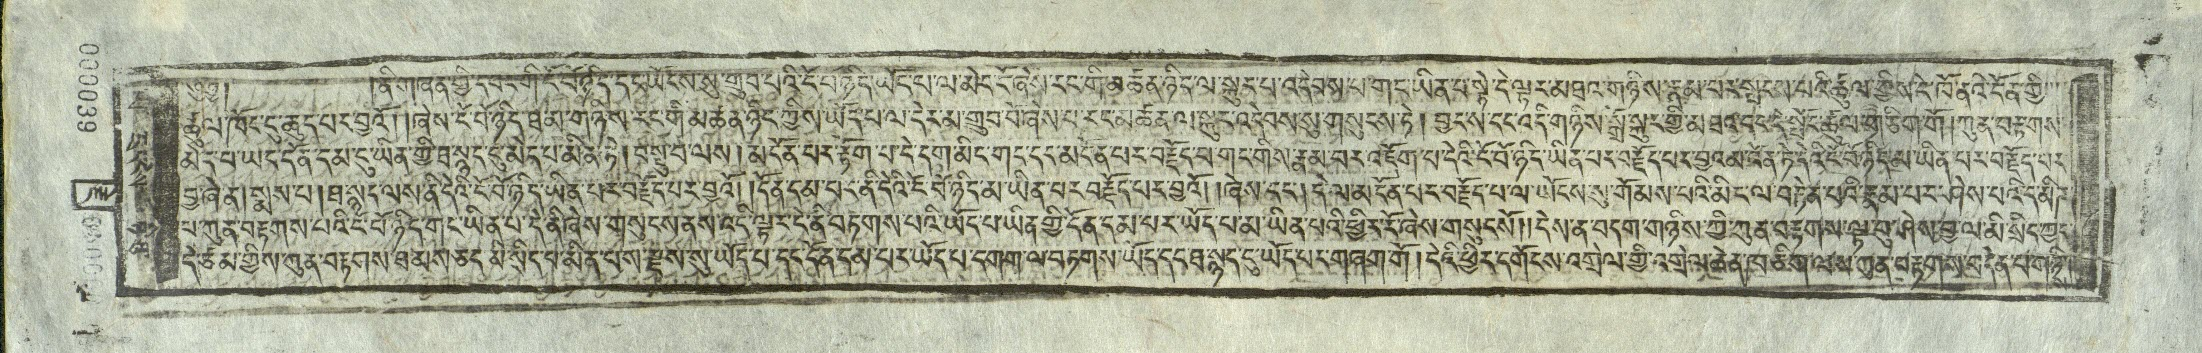༄༅། །ནི་གཞན་གྱི་དབང་གི་ངོ་བོ་ཉིད་དང་ཡོངས་སུ་གྲུབ་པའི་ངོ་བོ་ཉིད་ཡོད་པ་ལ་མེད་དོ་ཞེས་རང་གི་མཚན་ཉིད་ལ་སྐུར་པ་འདེབས་པ་གང་ཡིན་པ་སྟེ་དེ་ལྟར་མཐའ་གཉིས་རྣམ་པར་སྤངས་པའི་ཚུལ་གྱིས་དེ་ཁོ་ནའི་དོན་གྱི་
ཚུལ་ཁོང་དུ་ཆུད་པར་བྱའོ། །ཞེས་ངོ་བོ་ཉིད་ཐ་མ་གཉིས་རང་གི་མཚན་ཉིད་ཀྱིས་ཡོད་པ་ལ་དེར་མ་གྲུབ་བོ་ཞེས་པ་རང་མཚན་ལ་སྐུར་འདེབས་སུ་གསུངས་ཏེ། བྱང་ས་དང་འདི་གཉིས་སྒྲོ་སྐུར་གྱི་མཐའ་དང་དེ་སྤོང་ཚུལ་གཅིག་གོ །ཀུན་བརྟགས་
མེད་པ་ཡང་དོན་དམ་དུ་ཡིན་གི་ཐ་སྙད་དུ་མེད་པ་མིན་ཏེ། བསྡུ་བ་ལས། མངོན་པར་རྟོག་པ་དེ་དག་མིང་གང་དང་མངོན་པར་བརྗོད་པ་གང་གིས་རྣམ་པར་འཇོག་པ་དེའི་ངོ་བོ་ཉིད་ཡིན་པར་བརྗོད་པར་བྱའམ་འོན་ཏེ་དེའི་ངོ་བོ་ཉིད་མ་ཡིན་པར་བརྗོད་པར་
བྱ་ཞེ་ན། སྨྲས་པ། ཐ་སྙད་ལས་ནི་དེའི་ངོ་བོ་ཉིད་ཡིན་པར་བརྗོད་པར་བྱའོ། །དོན་དམ་པར་ནི་དེའི་ངོ་བོ་ཉིད་མ་ཡིན་པར་བརྗོད་པར་བྱའོ། །ཞེས་དང་། དེ་ལ་མངོན་པར་བརྗོད་པ་ལ་ཡོངས་སུ་གོམས་པའི་མིང་ལ་བརྟེན་པའི་རྣམ་པར་ཤེས་པའི་དམིགས་
པ་ཀུན་བརྟགས་པའི་ངོ་བོ་ཉིད་གང་ཡིན་པ་དེ་ནི་ཞེས་གསུངས་ནས་འདི་ལྟར་དེ་ནི་བཏགས་པའི་ཡོད་པ་ཡིན་གྱི་དོན་དམ་པར་ཡོད་པ་མ་ཡིན་པའི་ཕྱིར་རོ་ཞེས་གསུངས་སོ། །དེས་ན་བདག་གཉིས་ཀྱི་ཀུན་བརྟགས་ལྟ་བུ་ཤེས་བྱ་ལ་མི་སྲིད་ཀྱང་
དེ་ཙམ་གྱིས་ཀུན་བརྟགས་ཐམས་ཅད་མི་སྲིད་པ་མིན་བས་རྫས་སུ་ཡོད་པ་དང་དོན་དམ་པར་ཡོད་པ་དགག་ལ་བཏགས་ཡོད་དང་ཐ་སྙད་དུ་ཡོད་པར་གཞག་གོ །དེའི་ཕྱིར་དགོངས་འགྲེལ་གྱི་འགྲེལ་ཆེན་ཁ་ཅིག་ལས་ཀུན་བརྟགས་བདེན་པ་གཉིས་